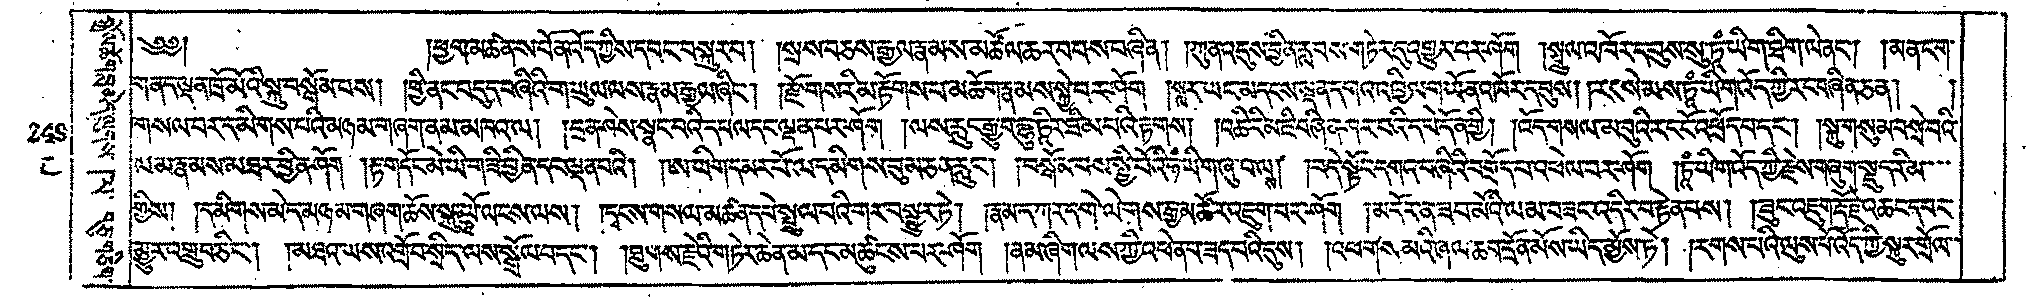༄༅། །ཕྱག་མཚན་ས་བོན་འོད་ཀྱིས་དབང་བསྐུར་བ། །སྲས་བཅས་རྒྱལ་རྣམས་མཚོ་ལ་ཆར་བབས་བཞིན། །ཀུན་འདུས་བྱིན་རླབས་གཏེར་དུ་འགྱུར་བར་ཤོག །སྤྲུལ་འཁོར་དབུས་སུ་ཏཱཾ་ཡིག་ཐིག་ལེ་ནང་། །མན་ངག་
གནད་ལྡན་ཁྲོ་མོའི་སྐུ་བསྒོམ་པས། །ཕྱི་ནང་བདུད་བཞིའི་གཡུལ་ལས་རྣམ་རྒྱལ་ཞིང་། །རྫོགས་རིམ་རྟོགས་པ་མཆོག་རྣམས་སྐྱེ་བར་ཤོག །སླར་ཡང་མདངས་ལྡན་དགའ་འཁྱིལ་གཡོན་འཁོར་དབུས། །རང་སེམས་ཏཱཾ་ཡིག་འོད་ཀྱི་རང་བཞིན་ཅན། །
གསལ་བར་དམིགས་པའི་མཉམ་གཞག་ནམ་མཁའ་ལ། །དྲན་ཤེས་སྣང་བའི་དཔལ་དང་ལྡན་པར་ཤོག །ལས་རླུང་རྒྱུ་བ་དྷུ་ཏཱིར་ཐིམ་པའི་རྟགས། །འཆི་རིམ་ཇི་བཞིན་ཤར་བའི་དཔེ་དོན་གྱི། །འོད་གསལ་མ་བུའི་རང་ངོ་འཕྲོད་པ་དང་། །སྐུ་གསུམ་བསྲེ་བའི་
ལམ་རྣམས་མཐར་ཕྱིན་ཤོག །རྟ་གདོང་མེ་ཡི་གཟི་བྱིན་དང་ལྡན་པའི། །ཨ་ཡིག་དམར་པོ་ལ་དམིགས་བུམ་ཅན་རླུང་། །བསྒོམ་པས་སྤྱི་བོའི་ཧཾ་ཡིག་ཞུ་བ་ལས། །བདེ་སྟོང་དགའ་བཞིའི་བགྲོད་པ་འཕེལ་བར་ཤོག །ཏཱཾ་ཡིག་འོད་ཀྱི་རྗེས་གཞུག་སྡུད་རིམ་་་
གྱིས། །དམིགས་མེད་མཉམ་གཞག་ཆོས་སྐུའི་ཡོ་ལངས་ལས། །དྭངས་གསལ་མཚན་དཔེ་སྤྲུལ་པའི་གར་བསྒྱུར་ཏེ། །རྣམ་དཀར་དགེ་ལེགས་རྒྱ་མཚོར་འཇུག་པར་ཤོག །མདོར་ན་ཟབ་མོའི་ལམ་བཟང་འདིར་བརྟེན་པས། །ཟུང་འཇུག་རྡོ་རྗེ་འཆང་དབང་
མྱུར་འགྲུབ་ཅིང་། །མཐའ་ཡས་འགྲོ་བ་སྲིད་ལས་སྒྲོལ་བ་དང་། །ཐུགས་རྗེའི་གཏེར་ཆེན་མ་དང་མཚུངས་པར་ཤོག །ནམ་ཞིག་ལས་ཀྱི་འཕེན་པ་ཟད་པའི་དུས། །འཕགས་མའི་ཞལ་ཆབ་དྲོན་མོས་ཡིད་མྱོས་ཏེ། །རགས་པའི་ལུས་པོ་འོད་ཀྱི་སྐུར་གྲོལ་